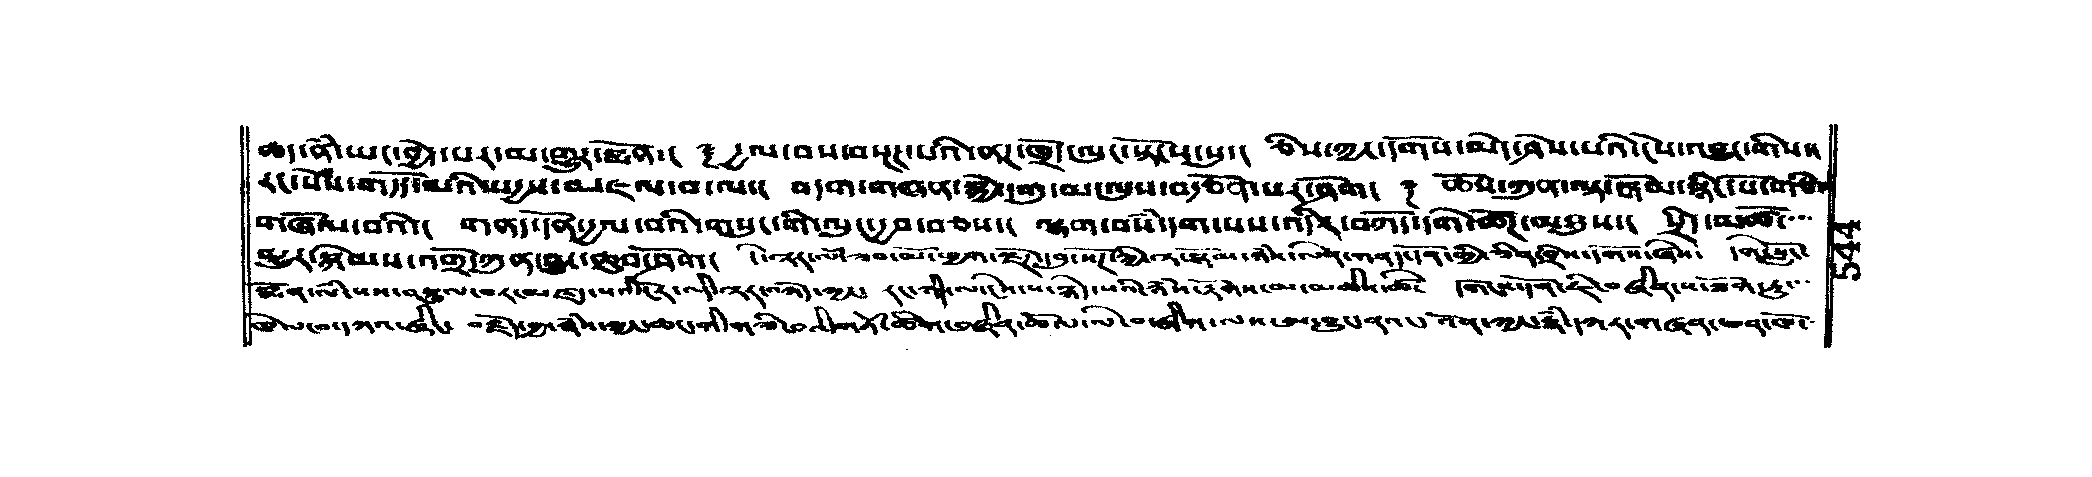ཆད་ནམ་ཡང་བྱེད་པར་མ་གྱུར་སྨོན། ༈ རྒྱལ་བས་བསྔགས་པའི་ནགས་ཁྲོད་ལུང་སྟོངས་སུ། །ཅིས་ཀྱང་དགོས་མེད་ཤེས་པའི་ངེས་འབྱུང་གིས། །
རང་སེམས་གདོད་མའི་སངས་རྒྱས་མཇལ་བ་ལ། །བདག་གཞན་སྐྱེ་དགུ་མ་ལུས་བརྩོན་པར་ཤོག ༈ ཆོས་ཀུན་ལྟ་སྒོམ་སྙིང་པོ་གཅིག་
གཞོལ་བའི། །གནད་དོན་རྒྱལ་བའི་གསུང་གི་ལུང་རྒྱབ་བཅས། །ལྷག་བསམ་དག་པས་འདིར་བཀོད་དགེ་ཚོགས་མཐུས། སྲིད་མཚོ་
མྱུར་སྐེམས་འགྲོ་ཀུན་བྱང་ཆུབ་ཤོགདེ་ལྟར་ལམ་ཟབ་མོ་ཕྱག་རྫོགས་དབུ་སོགས་ཀྱི་ལྟ་སྒོམ་ཉམས་ལེན་གནད་དོན་གྱི་ཟིན་བྲིས་དགོས་ཞེས། དགེ་སློང་
སྨོན་ལམ་པས་བསྐུལ་བར་མཛད་པའི་ངོར་འདི་ལྟར་བཀོད་ཀྱང་། རང་ཉིད་ལ་ངེས་པ་རྙེད་པའི་ཉམས་རྟོགས་མ་མཆིས་ཚེ། དགོངས་དོན་ཇི་བཞིན་པ་ཐོག་ཏུ་
ཁེལ་བ་དཀའ་ཞིང་། བརྗོད་བྱ་རྣམས་ཀྱང་ཆང་གི་གཟི་བའི་གཏམ་ཚིག་བཞིན་འཆོལ་ལེ་བ་ཞིག་ལས་མ་བྱུང་ནའང་འོན་ཀྱང་རྣམ་དཀར་གཞན་ཕན་ཁོ་